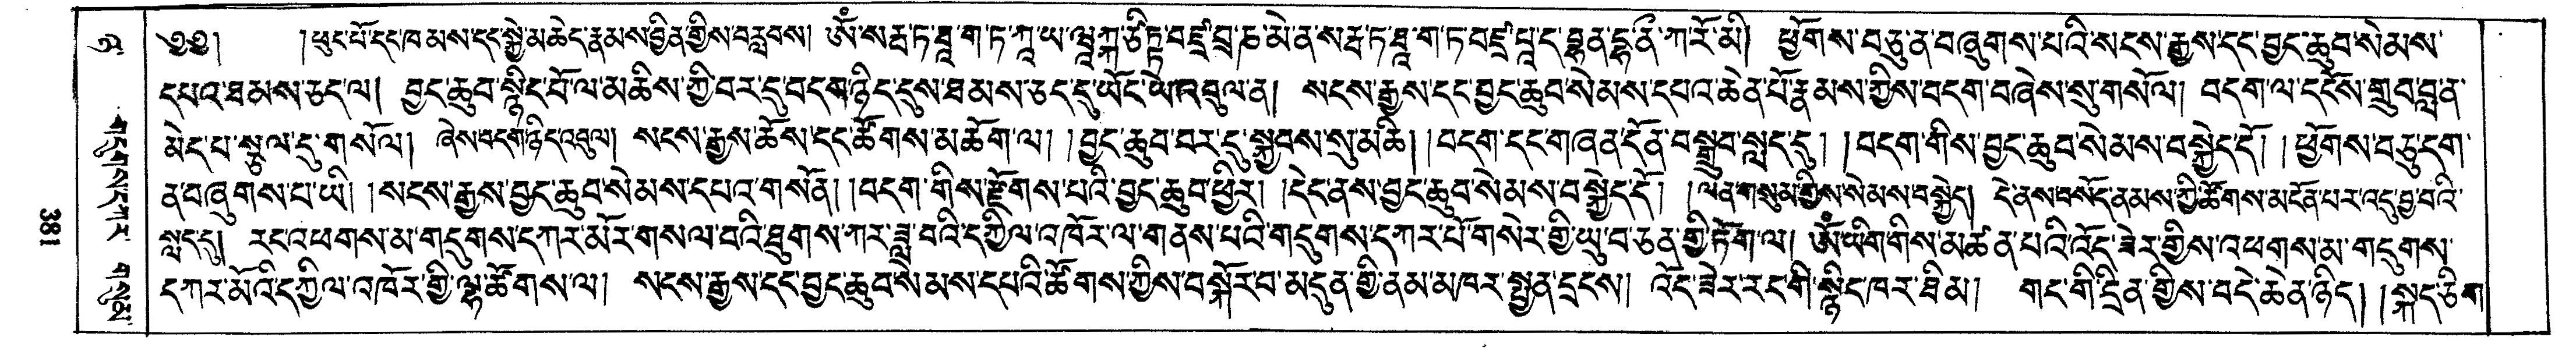༄༅། །ཕུང་པོ་དང་ཁམས་དང་སྐྱེ་མཆེད་རྣམས་བྱིན་གྱིས་བརླབས། ཨོཾ་སརྦ་ཏ་ཐཱ་ག་ཏ་ཀཱ་ཡ་ཝཱཀྐ་ཙིཏྟ་བཛྲ་པྲ་ཎ་མི་ན་སརྦ་ཏ་ཐཱ་ག་ཏ་བཛྲ་པཱ་ད་བྷནྡྷ་ནཾ་ཀ་རོ་མི། ཕྱོགས་བཅུན་བཞུགས་པའི་སངས་རྒྱས་དང་བྱང་ཆུབ་སེམས་
དཔའ་ཐམས་ཅད་ལ། བྱང་ཆུབ་སྙིང་པོ་ལ་མཆིས་ཀྱི་བར་དུ་བདག་ཉིད་དུས་ཐམས་ཅད་དུ་ཡོང་ཡེ་འབུལ་ན། སངས་རྒྱས་དང་བྱང་ཆུབ་སེམས་དཔའ་ཆེན་པོ་རྣམས་ཀྱིས་བདག་བཞེས་སུ་གསོལ། བདག་ལ་དངོས་གྲུབ་བླ་ན་
མེད་པ་སྩལ་དུ་གསོལ། ཞེས་བདག་ཉིད་འབུལ། སངས་རྒྱས་ཆོས་དང་ཚོགས་མཆོག་ལ། །བྱང་ཆུབ་བར་དུ་སྐྱབས་སུ་མཆི། །བདག་དང་གཞན་དོན་བསྒྲུབ་སླད་དུ། །བདག་གིས་བྱང་ཆུབ་སེམས་བསྐྱེད་དོ། །ཕྱོགས་བཅུ་དག་
ན་བཞུགས་པ་ཡི། །སངས་རྒྱས་བྱང་ཆུབ་སེམས་དཔའ་གསོན། །བདག་གིས་རྫོགས་པའི་བྱང་ཆུབ་ཕྱིར། །དེང་ནས་བྱང་ཆུབ་སེམས་བསྐྱེད་དོ། །ལན་གསུམ་གྱིས་སེམས་བསྐྱེད། དེ་ནས་བསོད་ནམས་ཀྱི་ཚོགས་མངོན་བར་འདུ་བྱ་བའི་
སླད་དུ། རང་འཕགས་མ་གདུགས་དཀར་མོར་གསལ་བའི་ཐུགས་ཀར་ཟླ་བའི་དཀྱིལ་འཁོར་ལ་གནས་པའི་གདུགས་དཀར་པོ་གསེར་གྱི་ཡུ་བཅན་གྱི་ཏོག་ལ། ཨོཾ་ཡིག་གིས་མཚན་པའི་འོད་ཟེར་གྱིས་འཕགས་མ་གདུགས་
དཀར་མོའི་དཀྱིལ་འཁོར་གྱི་ལྷ་ཚོགས་ལ། སངས་རྒྱས་དང་བྱང་ཆུབ་སེམས་དཔའི་ཚོགས་ཀྱིས་བསྐོར་བ་མདུན་གྱི་ནམ་མཁར་སྤྱན་དྲངས། འོད་ཟེར་རང་གི་སྙིང་ཁར་ཐིམ། གང་གི་དྲིན་གྱིས་བདེ་ཆེན་ཉིད། །སྐད་ཅིག་